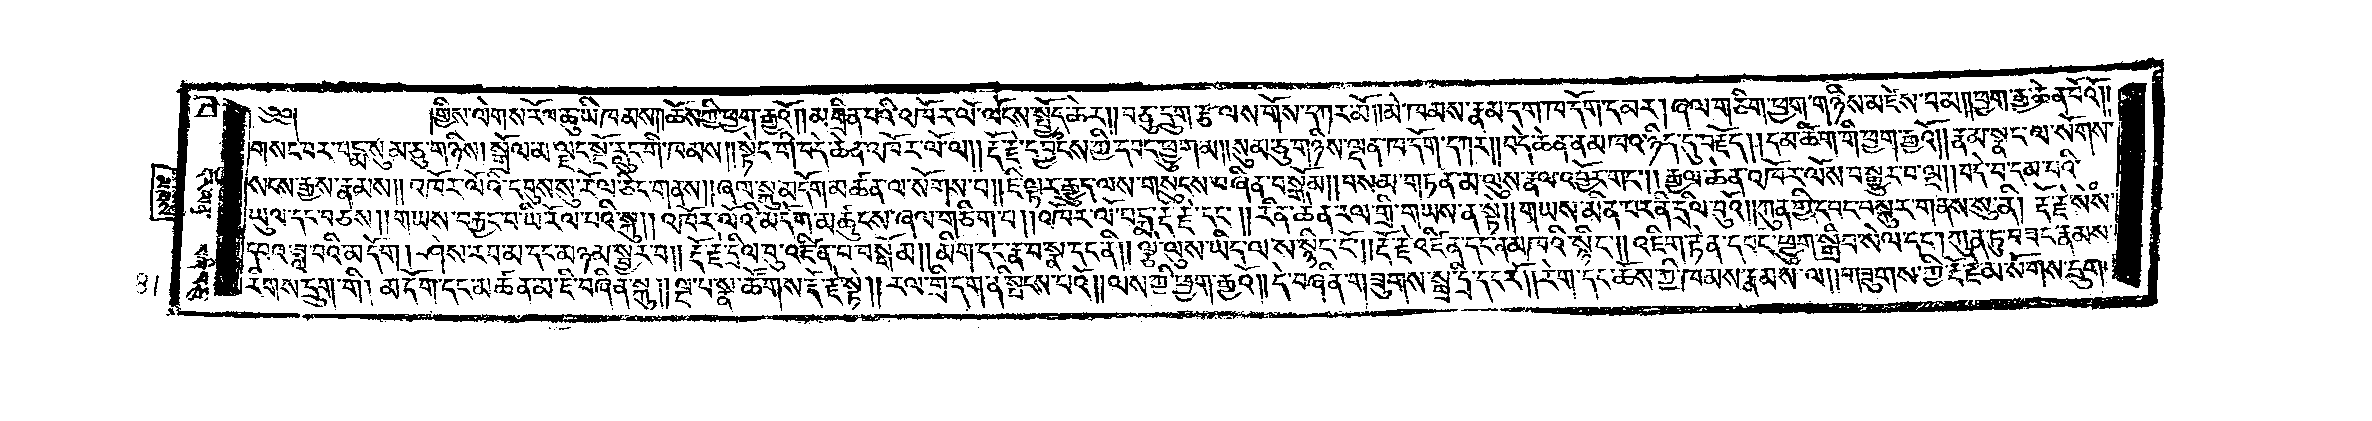༄༅། །གྱིས་ལེགས་རོལ་ཆུ་ཡི་ཁམས། །ཆོས་ཀྱི་ཕྱག་རྒྱའོ། །མགྲིན་པའི་འཁོར་ལོ་ལོངས་སྤྱོད་ཆེར། །བཅུ་དྲུག་རྩ་ལས་གོས་དཀར་མོ། །མེ་ཁམས་རྣམ་དག་ཁ་དོག་དམར། ཞལ་གཅིག་ཕྱག་གཉིས་མཛེས་བ་མ། །ཕྱག་རྒྱ་ཆེན་པོའོ།།
གསང་བར་པདྨ་སུམ་ཅུ་གཉིས། སྒྲོལ་མ་ལྗང་སྔོ་རླུང་གི་ཁམས། །སྟེང་གི་བདེ་ཆེན་འཁོར་ལོ་ལ། །རྡོ་རྗེ་དབྱིངས་ཀྱི་དབང་ཕྱུག་མ། །སུམ་ཅུ་གཉིས་ལྡན་ཁ་དོག་དཀར། །བདེ་ཆེན་ནམ་མཁའ་ཉིད་དུ་བརྗོད། །དམ་ཚིག་གི་ཕྱག་རྒྱའོ། །རྣམ་སྣང་ལ་སོགས་
སངས་རྒྱས་རྣམས། །འཁོར་ལོའི་དབུས་སུ་རོལ་ཅིང་གནས། །ཞལ་སྐུ་མདོག་མཚན་ལ་སོགས་པ། །ཇི་ལྟར་རྒྱུད་ལས་གསུངས་བཞིན་བསྒོམ། །བསམ་གཏན་མ་ལུས་རྣལ་འབྱོར་གང་། །རྒྱལ་ཆེན་འཁོར་ལོས་བསྒྱུར་བ་ལྔ། །བདེ་བ་དམ་པའི་
ཡུལ་དང་བཅས། །གཡས་བརྐྱང་བ་ཡི་རོལ་པའི་སྐུ། །འཁོར་ལོའི་མདོག་མཚུངས་ཞལ་གཅིག་པ། །འཁོར་ལོ་པདྨ་རྡོ་རྗེ་དང་། །རིན་ཆེན་རལ་གྲི་གཡས་ན་སྟེ། །གཡས་མིན་པར་ནི་དྲིལ་བུའོ། །ཀུན་གྱི་དབང་བསྐུར་གནས་སུ་ནི། རྡོ་རྗེ་སེམས་
དཔའ་ཟླ་བའི་མདོག །ཤེས་རབ་མ་དང་མཉམ་སྦྱར་བ། །རྡོ་རྗེ་དྲིལ་བུ་འཛིན་པ་བསྒོམ། །མིག་དང་རྣ་བ་སྣ་དང་ནི། །ལྕེ་ལུས་ཡིད་ལ་ས་སྙིང་ངོ། །རྡོ་རྗེ་འཛིན་དང་ནམ་མཁའི་སྙིང་། །འཇིག་རྟེན་དབང་ཕྱུག་སྒྲིབ་སེལ་དང་། ཀུན་ཏུ་བཟང་རྣམས་
རིགས་དྲུག་གི །མདོག་དང་མཚན་མ་ཇི་བཞིན་སྐུ། །ལྔ་པ་སྣ་ཚོགས་རྡོ་རྗེ་སྟེ། །རལ་གྲི་དག་ནི་སྤངས་པའོ། །ལས་ཀྱི་ཕྱག་རྒྱའོ། །དེ་བཞིན་གཟུགས་སྒྲ་དྲི་དང་རོ། །རེག་དང་ཆོས་ཀྱི་ཁམས་རྣམས་ལ། །གཟུགས་ཀྱི་རྡོ་རྗེ་མ་སོགས་དྲུག།